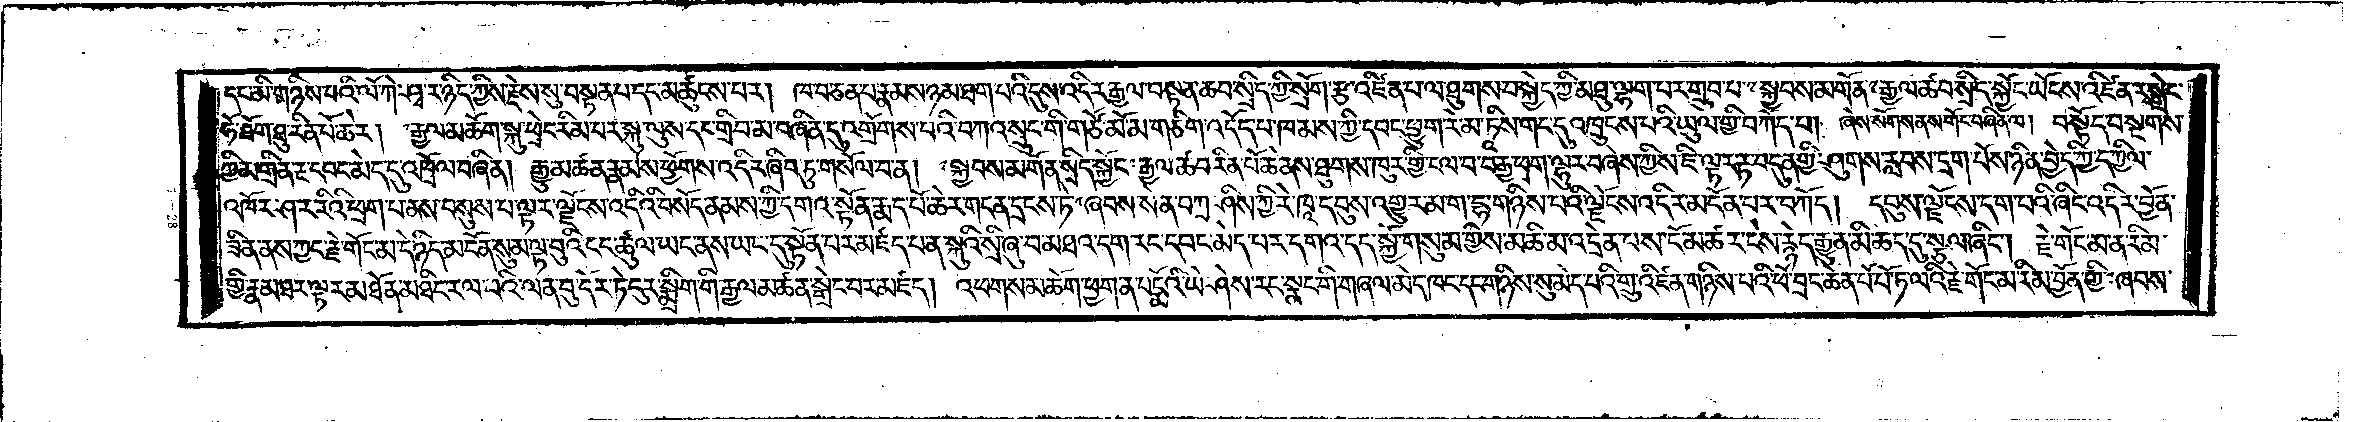དང་མི་གཉིས་པའི་ལོ་ཀེ་ཤྭ་ར་ཉིད་ཀྱིས་རྗེས་སུ་བསྟན་པ་དང་མཚུངས་པར། ཁ་བ་ཅན་བ་རྣམས་ཉམ་ཐག་པའི་དུས་འདིར་རྒྱལ་བསྟན་ཆབ་སྲིད་ཀྱི་སྲོག་རྩ་འཛིན་པ་ལ་ཐུགས་བསྐྱེད་ཀྱི་མཐུ་ལྷག་པར་གྲུབ་པ ༧སྐྱབས་མགོན ༧རྒྱལ་ཚབ་སྲིད་སྐྱོང་ཡོངས་འཛིན་རྭ་སྒྲེང་
ཧོ་ཐོག་ཐུ་རིན་པོ་ཆེར། རྒྱལ་མཆོག་སྐུ་ཕྲེང་རིམ་པར་སྐུ་ལུས་དང་གྲིབ་མ་བཞིན་དུ་འགྲོགས་པའི་བཀའ་སྲུང་གི་གཙོ་མོ་མ་གཅིག་འདོད་པ་ཁམས་ཀྱི་དབང་ཕྱུག་རེ་མ་ཏཱིས་གང་དུ་འཁྲུངས་པའི་ཡུལ་གྱི་བཀོད་པ། ཞེས་སོགས་ནས་གོང་བཞིན་ལ།  བསྟོད་བསྔགས་
ཀྱི་མགྲིན་རྔ་དབང་མེད་དུ་འཁྲོལ་བཞིན། རྒྱུ་མཚན་རྣམས་ཕྱོགས་འདིར་ཞིབ་ཏུ་གསོལ་བ་ན། ༧སྐྱབས་མགོན་སྲིད་སྐྱོང ༧རྒྱལ་ཚབ་རིན་པོ་ཆེ་ནས་ཐུགས་ཁུར་གྱི་ངལ་བ་བརྒྱ་ཕྲག་ལྷུར་བཞེས་ཀྱིས་ཇི་ལྟར་རྟ་བདུན་གྱི་ཤུགས་རླབས་དྲག་པོས་ཉིན་བྱེད་ཀྱི་དཀྱིལ་
འཁོར་ཤར་རིའི་ཕྲག་པ་ནས་བསུས་པ་ལྟར་ལྗོངས་འདིའི་བསོད་ནམས་ཀྱི་དགའ་སྟོན་རྨད་པོ་ཆེར་གདན་དྲངས་ཏེ ༧ཞབས་སེན་བཀྲ་ཤིས་ཀྱི་རེ་ཁཱ་དབུས་འགྱུར་མ་ག་དྷ་གཉིས་པའི་ལྗོངས་འདིར་མངོན་པར་བཀོད། དབུས་ལྗོངས་དག་པའི་ཞིང་འདིར་བྱོན་
ཟིན་ནས་ཀྱང་རྗེ་གོང་མ་དེ་ཉིད་མངོན་སུམ་ལྟ་བུའི་ངང་ཚུལ་ཡང་ནས་ཡང་དུ་སྟོན་པར་མཛད་པ་ན་སྐུའི་སྲི་ཞུ་བ་མཐའ་དག་རང་དབང་མེད་པར་དགའ་དད་སྐྱོ་གསུམ་གྱིས་མཆི་མ་འདྲེན་པས་ངོ་མཚར་ངེས་རྙེད་རྒྱུན་མི་ཆད་དུ་སྩལ་ཞིང་། རྗེ་གོང་མ་ན་རིམ་
གྱི་རྣམ་ཐར་ལྟར་མཐོན་མཐིང་རལ་བའི་ལན་བུ་དོར་ཏེ་ངུར་སྨྲིག་གི་རྒྱལ་མཚན་སྒྲེང་བར་མཛད། །འཕགས་མཆོག་ཕྱག་ན་པདམོའི་ཡེ་ཤེས་རང་སྣང་གི་གཞལ་མེད་ཁང་དང་གཉིས་སུ་མེད་པའི་གྲུ་འཛིན་གཉིས་པའི་ཕོ་བྲང་ཆེན་པོ་པོ་ཏ་ལའི་རྗེ་གོང་མ་རིམ་བྱོན་གྱི་ཞབས་